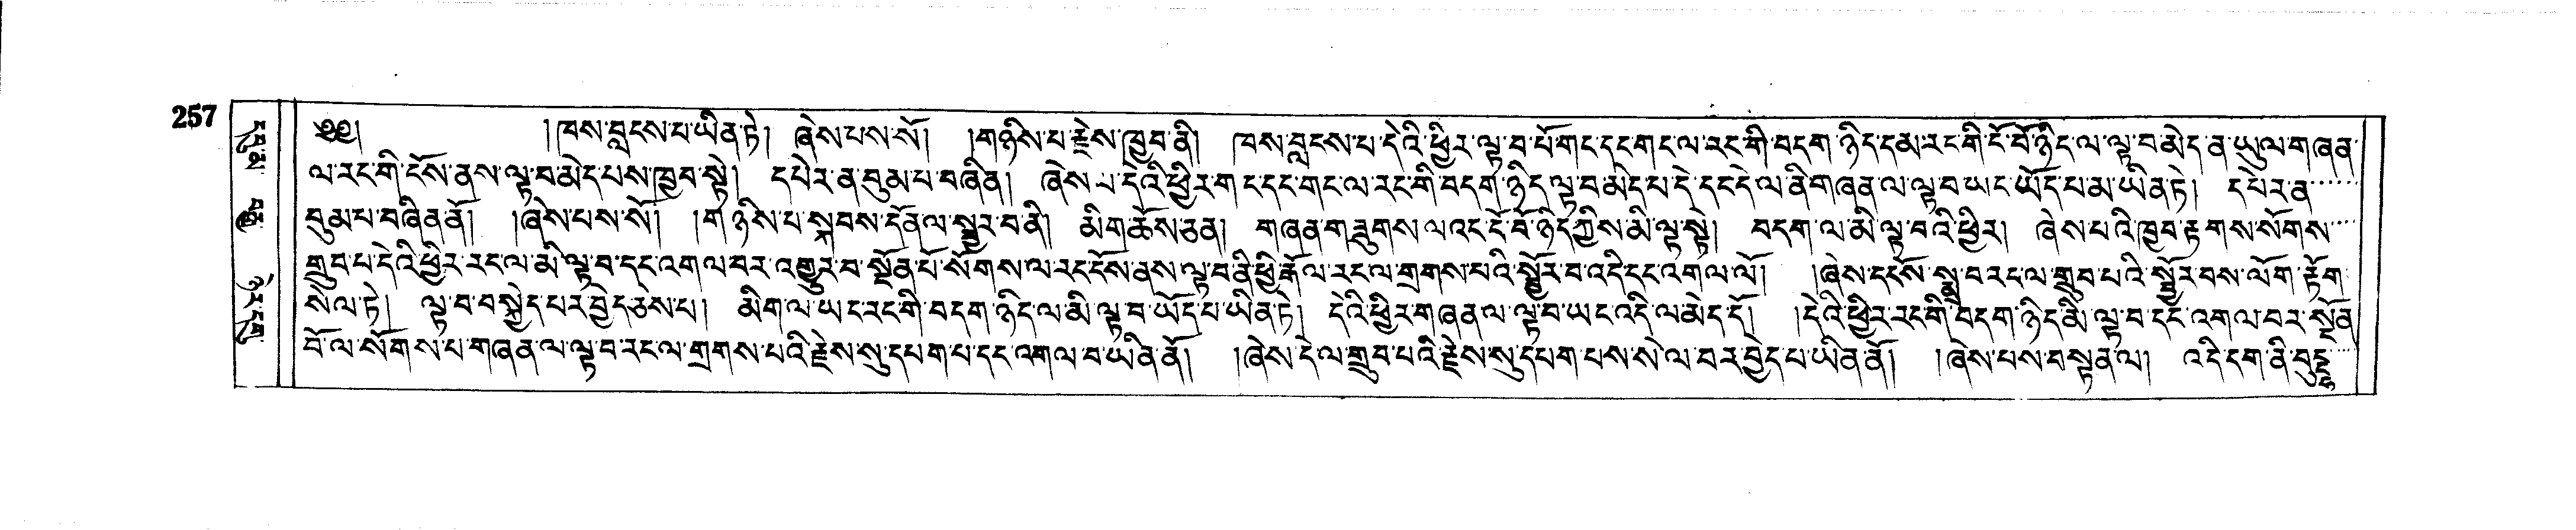༄༅། །ཁས་བླངས་པ་ཡིན་ཏེ། ཞེས་པས་སོ། །གཉིས་པ་རྗེས་ཁྱབ་ནི། ཁས་བླངས་པ་དེའི་ཕྱིར་ལྟ་བ་པོ་གང་དང་གང་ལ་རང་གི་བདག་ཉིད་དམ་རང་གི་ངོ་བོ་ཉིད་ལ་ལྟ་བ་མེད་ན་ཡུལ་གཞན་
ལ་རང་གི་ངོས་ནས་ལྟ་བ་མེད་པས་ཁྱབ་སྟེ། དཔེར་ན་བུམ་པ་བཞིན། ཞེས་པ་དེའི་ཕྱིར་གང་དང་གང་ལ་རང་གི་བདག་ཉིད་ལྟ་བ་མེད་པ་དེ་དང་དེ་ལ་ནི་གཞན་ལ་ལྟ་བ་ཡང་ཡོད་པ་མ་ཡིན་ཏེ། དཔེར་ན་
བུམ་པ་བཞིན་ནོ། །ཞེས་པས་སོ། །གཉིས་པ་སྐབས་དོན་ལ་སྦྱར་བ་ནི། མིག་ཆོས་ཅན། གཞན་གཟུགས་ལའང་ངོ་བོ་ཉིད་ཀྱིས་མི་ལྟ་སྟེ། བདག་ལ་མི་ལྟ་བའི་ཕྱིར། ཞེས་པའི་ཁྱབ་རྟགས་སོགས་
གྲུབ་པ་དེའི་ཕྱིར་རང་ལ་མི་ལྟ་བ་དང་འགལ་བར་འགྱུར་བ་སྔོན་པོ་སོགས་ལ་རང་ངོས་ནས་ལྟ་བ་ནི་ཕྱི་རྒོལ་རང་ལ་གྲགས་པའི་སྦྱོར་བ་འདི་དང་འགལ་ལོ། །ཞེས་དངོས་སྨྲ་བ་རང་ལ་གྲུབ་པའི་སྦྱོར་བས་ལོག་རྟོག་
སེལ་ཏེ། ལྟ་བ་བསྐྱེད་པར་བྱེད་ཅེས་པ། མིག་ལ་ཡང་རང་གི་བདག་ཉིད་ལ་མི་ལྟ་བ་ཡོད་པ་ཡིན་ཏེ། དེའི་ཕྱིར་གཞན་ལ་ལྟ་བ་ཡང་འདི་ལ་མེད་དོ། །དེའི་ཕྱིར་རང་གི་བདག་ཉིད་མི་ལྟ་བ་དང་འགལ་བར་སྔོན་
བོ་ལ་སོགས་པ་གཞན་ལ་ལྟ་བ་རང་ལ་གྲགས་པའི་རྗེས་སུ་དཔག་པ་དང་འགལ་བ་ཡིན་ནོ། །ཞེས་དེ་ལ་གྲུབ་པའི་རྗེས་སུ་དཔག་པས་སེལ་བར་བྱེད་པ་ཡིན་ནོ། །ཞེས་པས་བསྟན་ལ། འདི་དག་ནི་བུདྡྷ་